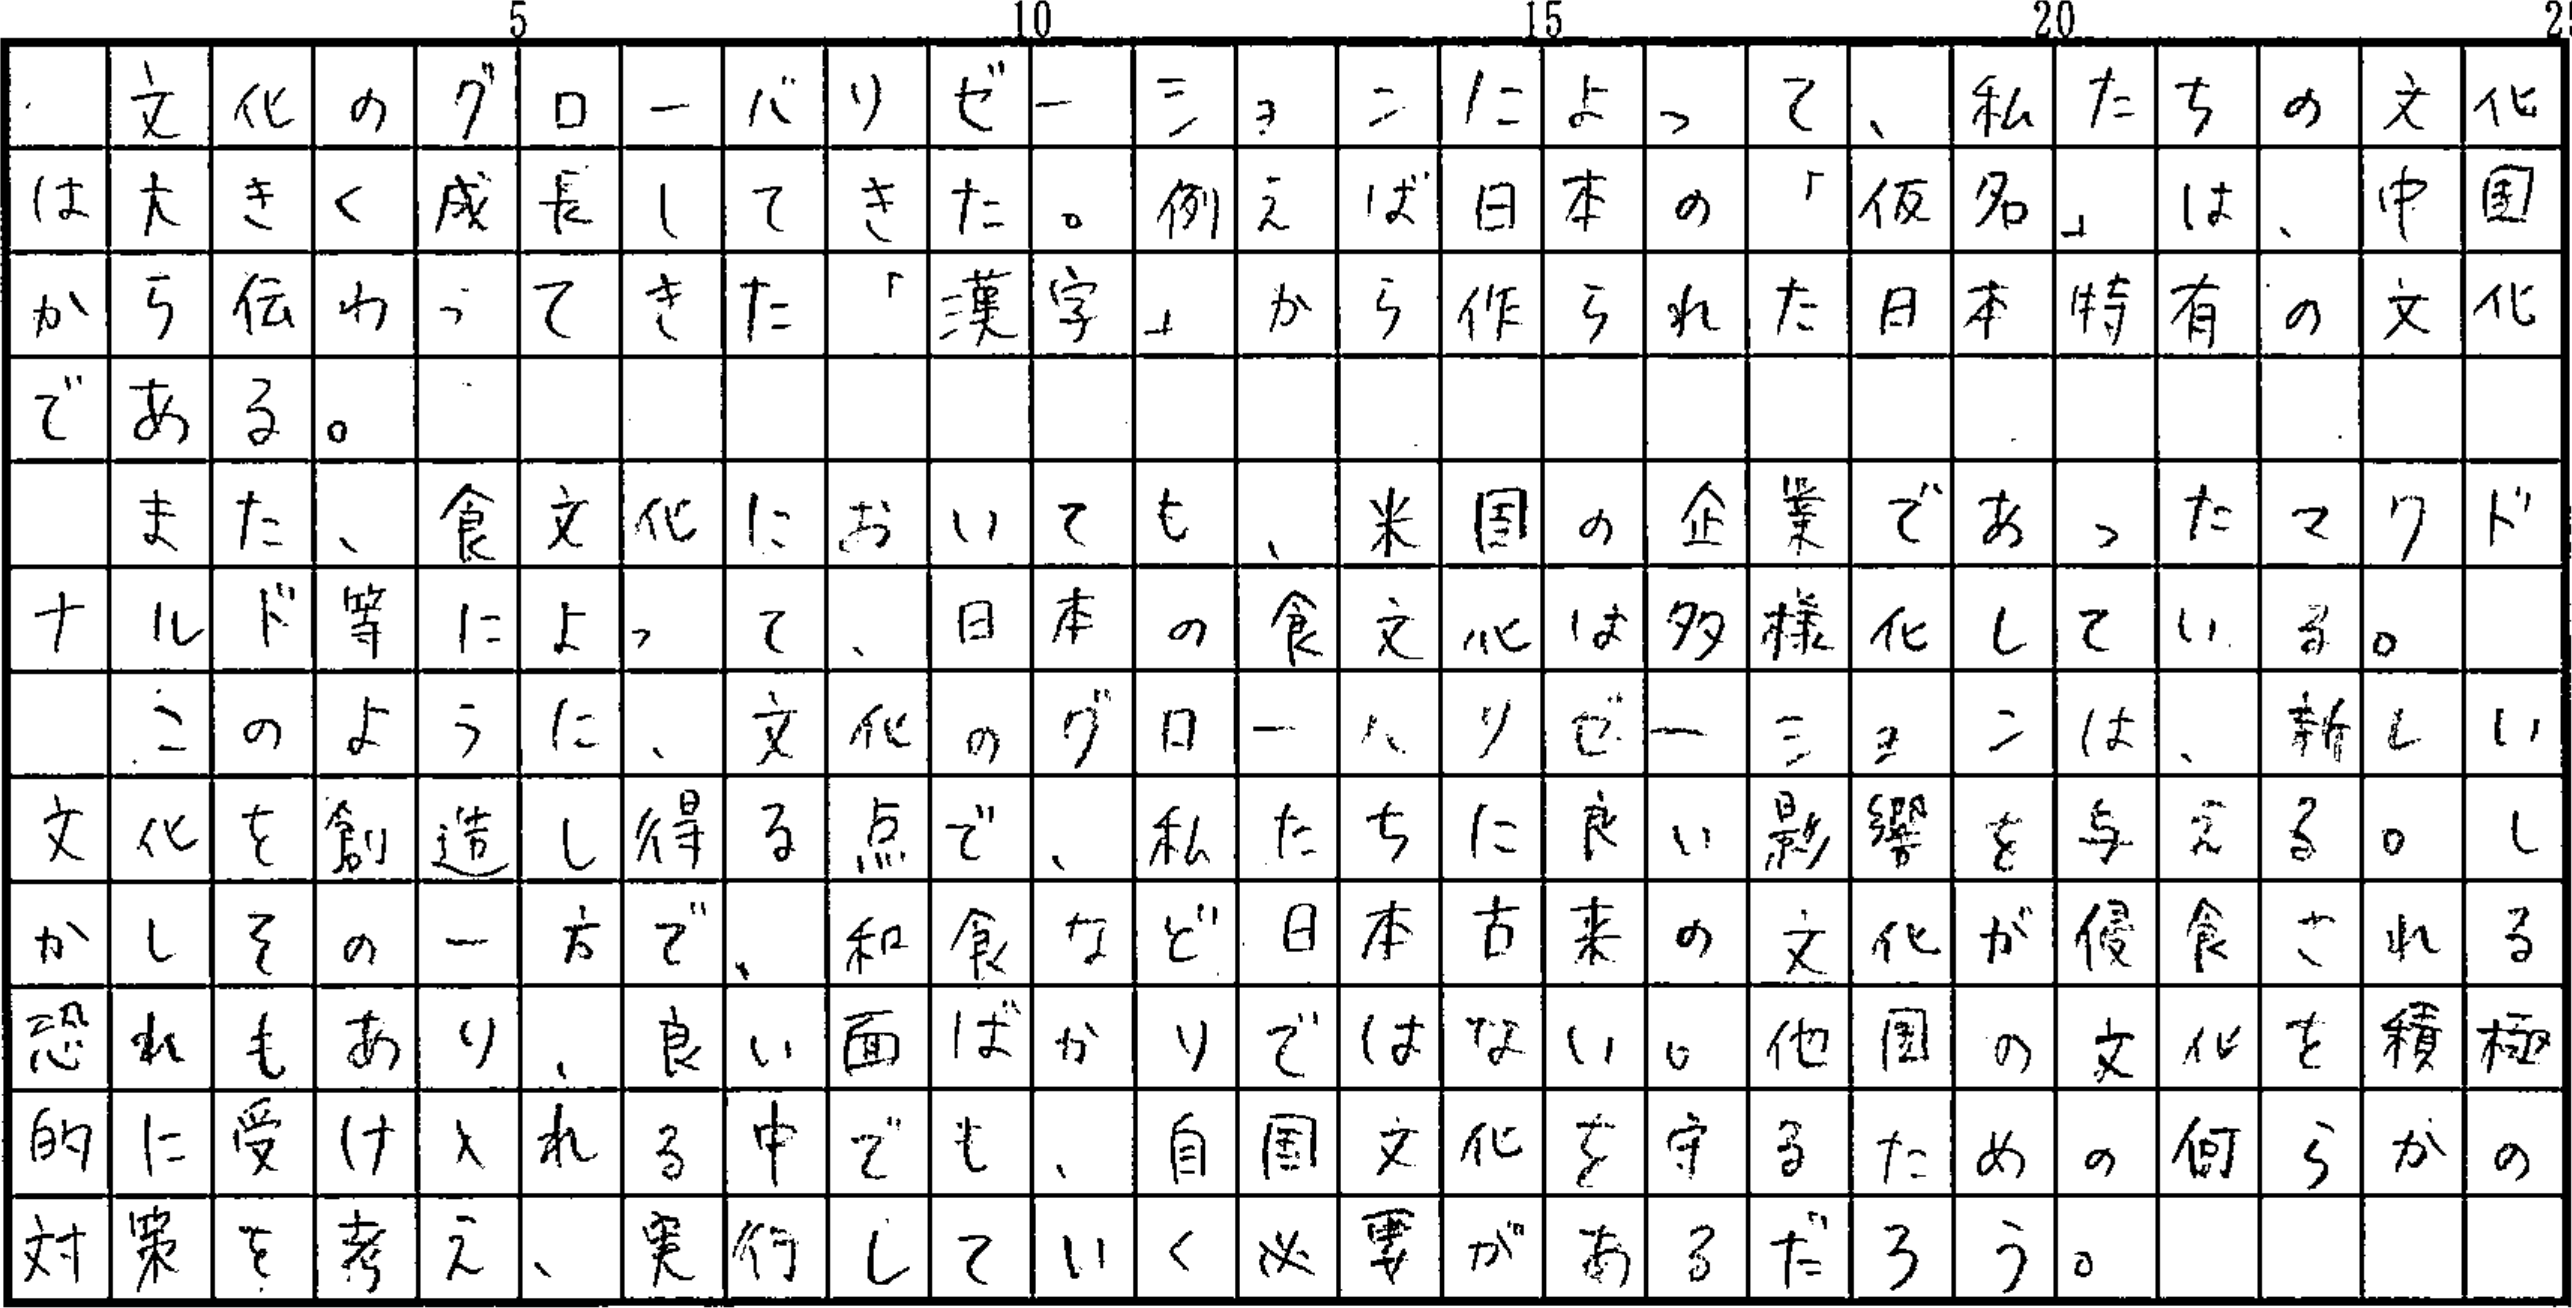　文化のグローバリゼーションによって、私たちの文化は大きく成長してきた。例えば日本の「仮名」は、中国から伝わってきた「漢字」から作られた日本特有の文化である。
　また、食文化においても、米国の企業であったマクドナルド等によって、日本の食文化は多様化している。
　このように、文化のグローバリゼーションは、新しい文化を創造し得る点で、私たちに良い影響を与える。しかしその一方で、和食など日本古来の文化が侵食される恐れもあり、良い面ばかりではない。他国の文化を積極的に受け入れる中でも、自国文化を守るための何らかの対策を考え、実行していく必要があるだろう。
